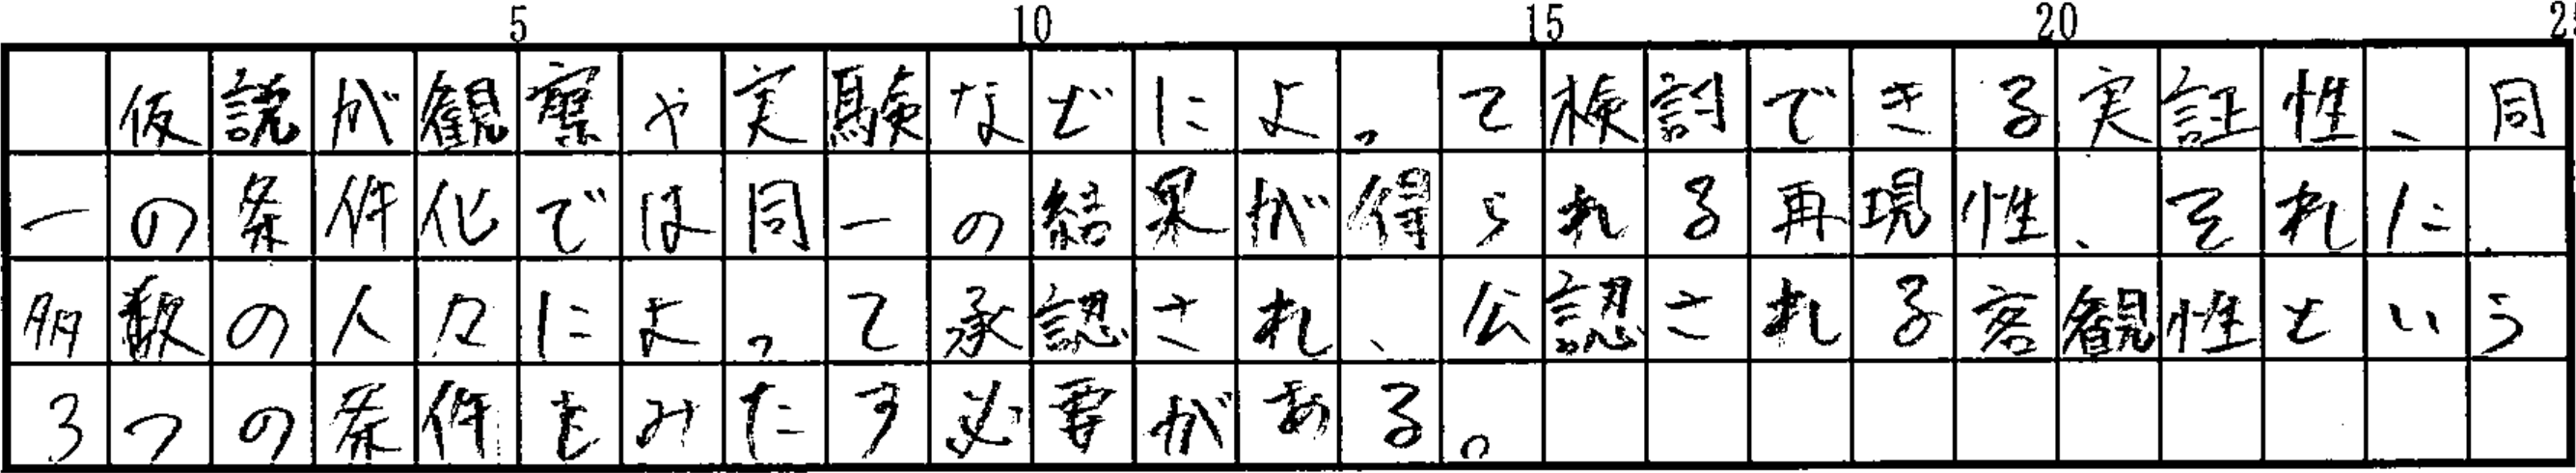　仮説が観察や実験などによって検討できる実証性、同一の条件化では同一の結果が得られる再現性、それに、多数の人々によって承認され、公認される客観性という３つの条件をみたす必要がある。
